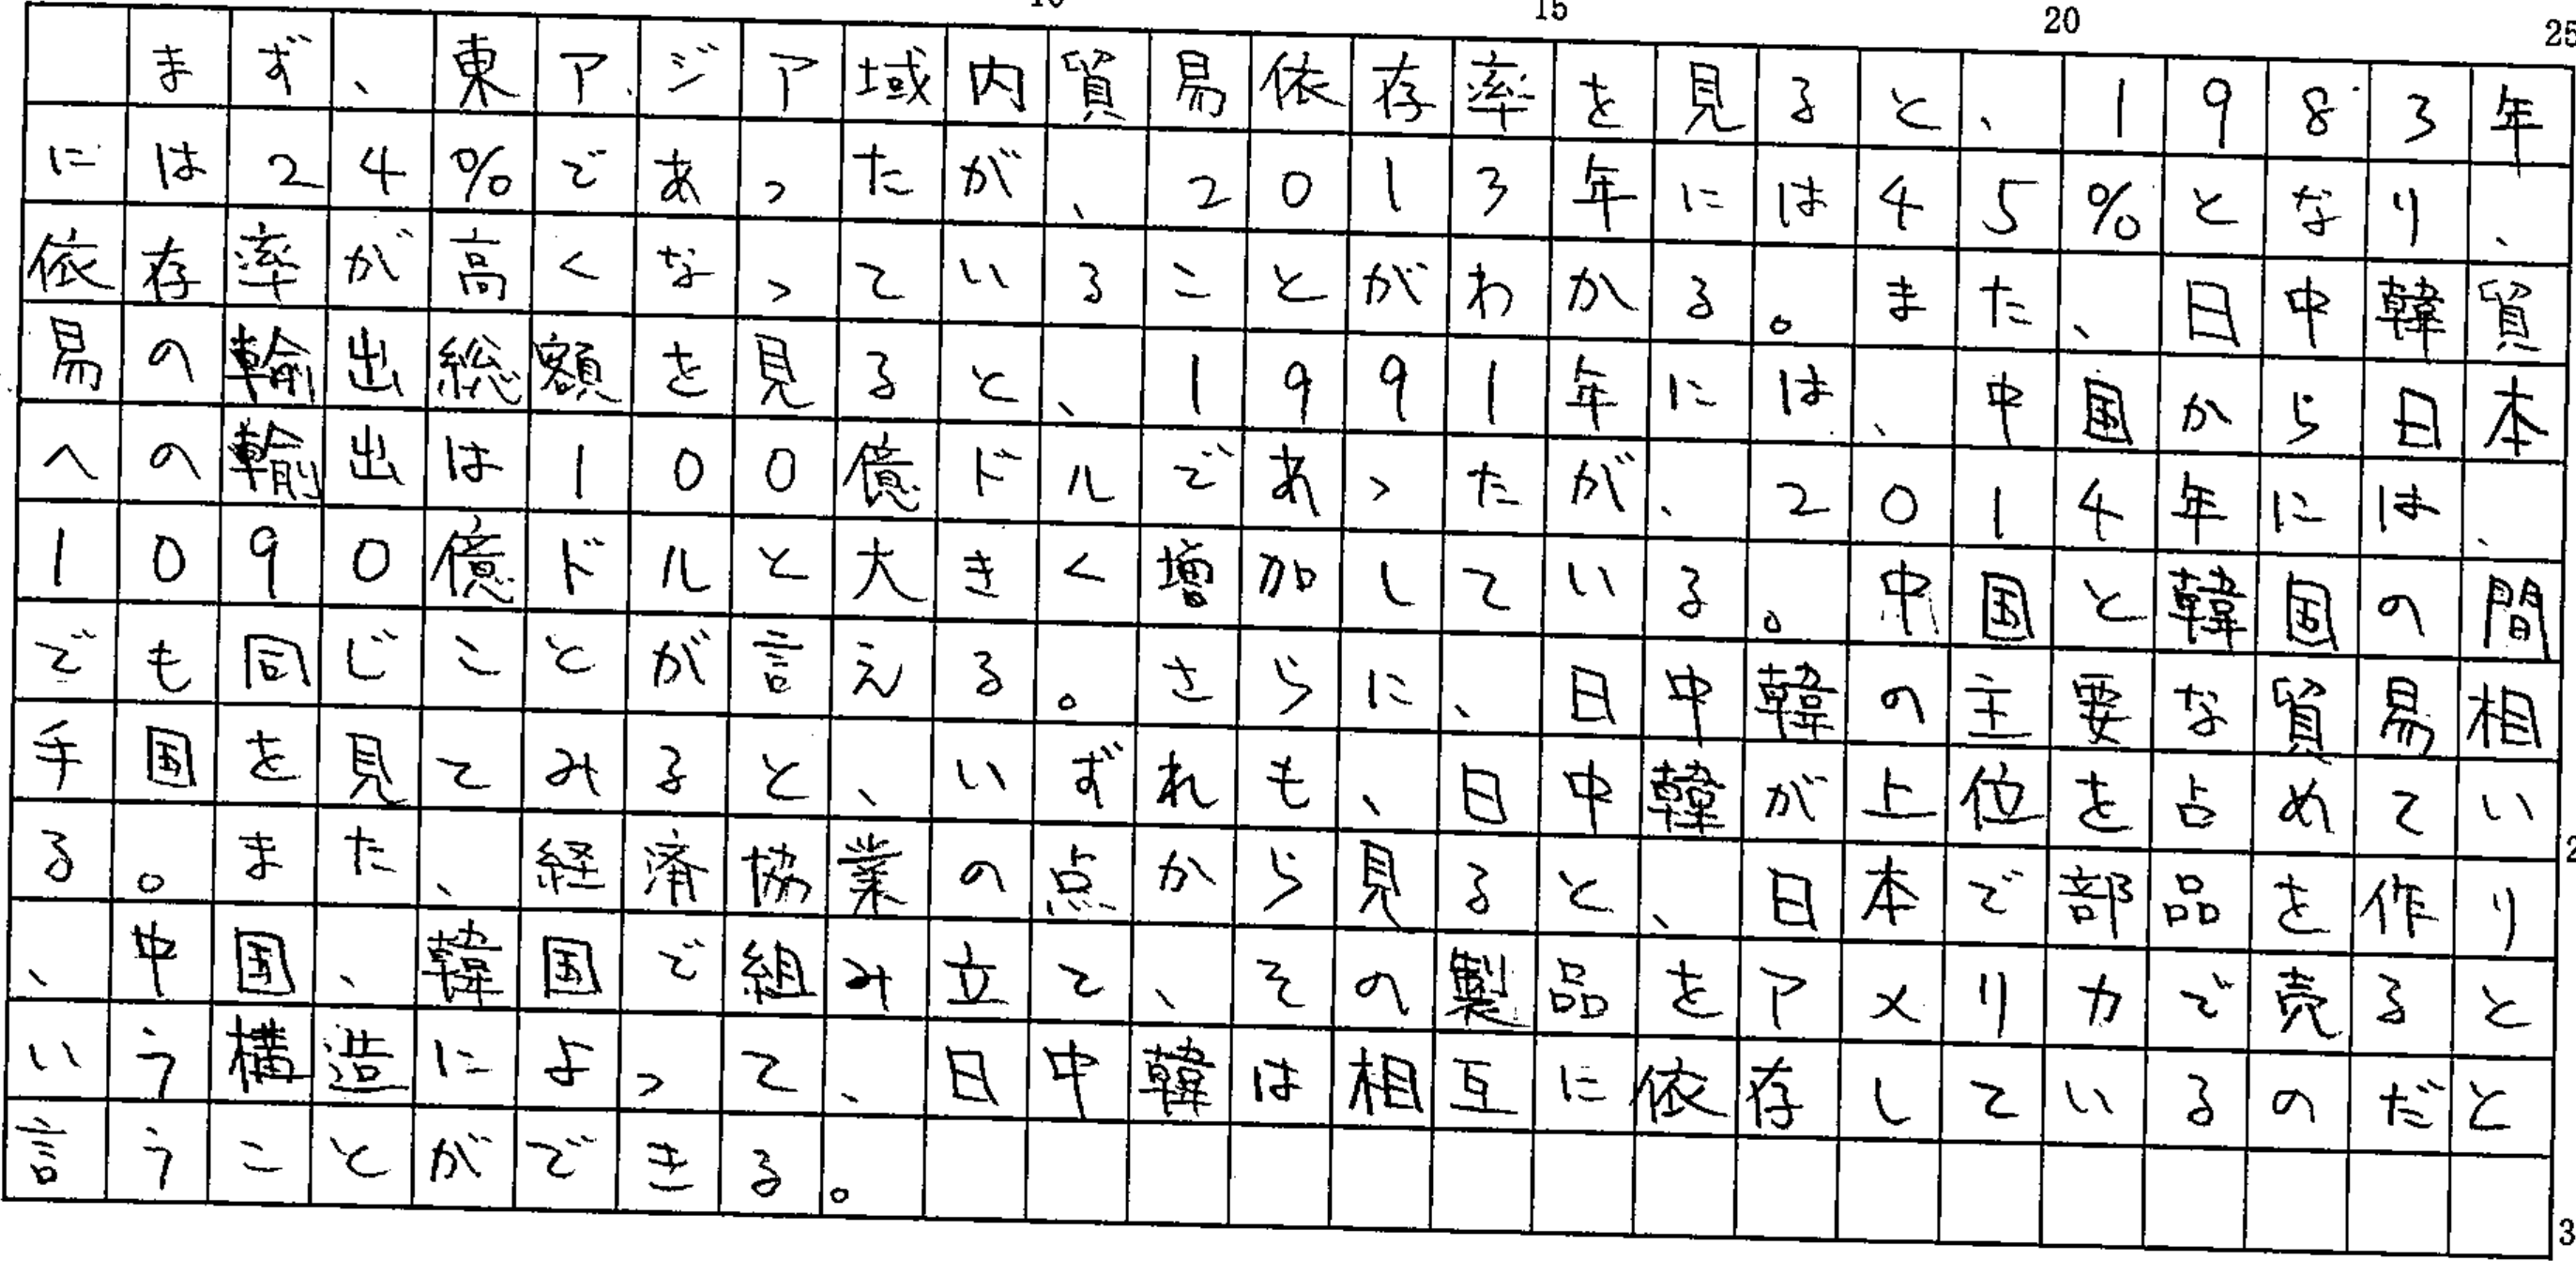　まず、東アジア域内貿易依存率を見ると、１９８３年には２４％であったが、２０１３年には４５％となり、依存率が高くなっていることがわかる。また、日中韓貿易の輸出総額を見ると、１９９１年には、中国から日本への輸出は１００億ドルであったが、２０１４年には、１０９０億ドルと大きく増加している。中国と韓国の間でも同じことが言える。さらに、日中韓の主要な貿易相手国を見てみると、いずれも、日中韓が上位を占めている。また、経済協業の点から見ると、日本で部品を作り、中国、韓国で組み立て、その製品をアメリカで売るという構造によって、日中韓は相互に依存しているのだと言うことができる。
